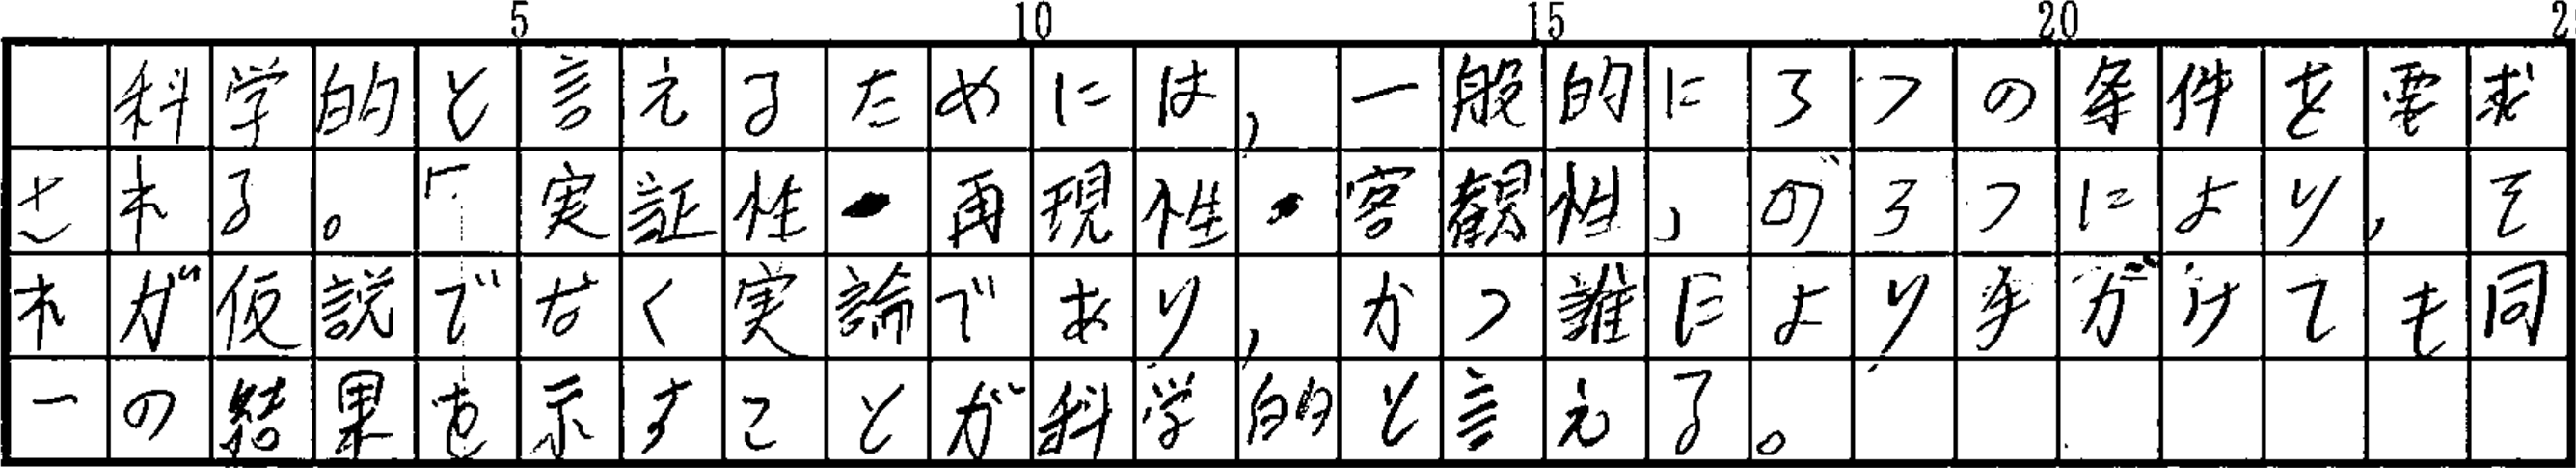　科学的と言えるためには、一般的に３つの条件を要求される。「実証性・再現性・客観性」の３つにより、それが仮説でなく実論であり、かつ誰により手がけても同一の結果を示すことが科学的と言える。
